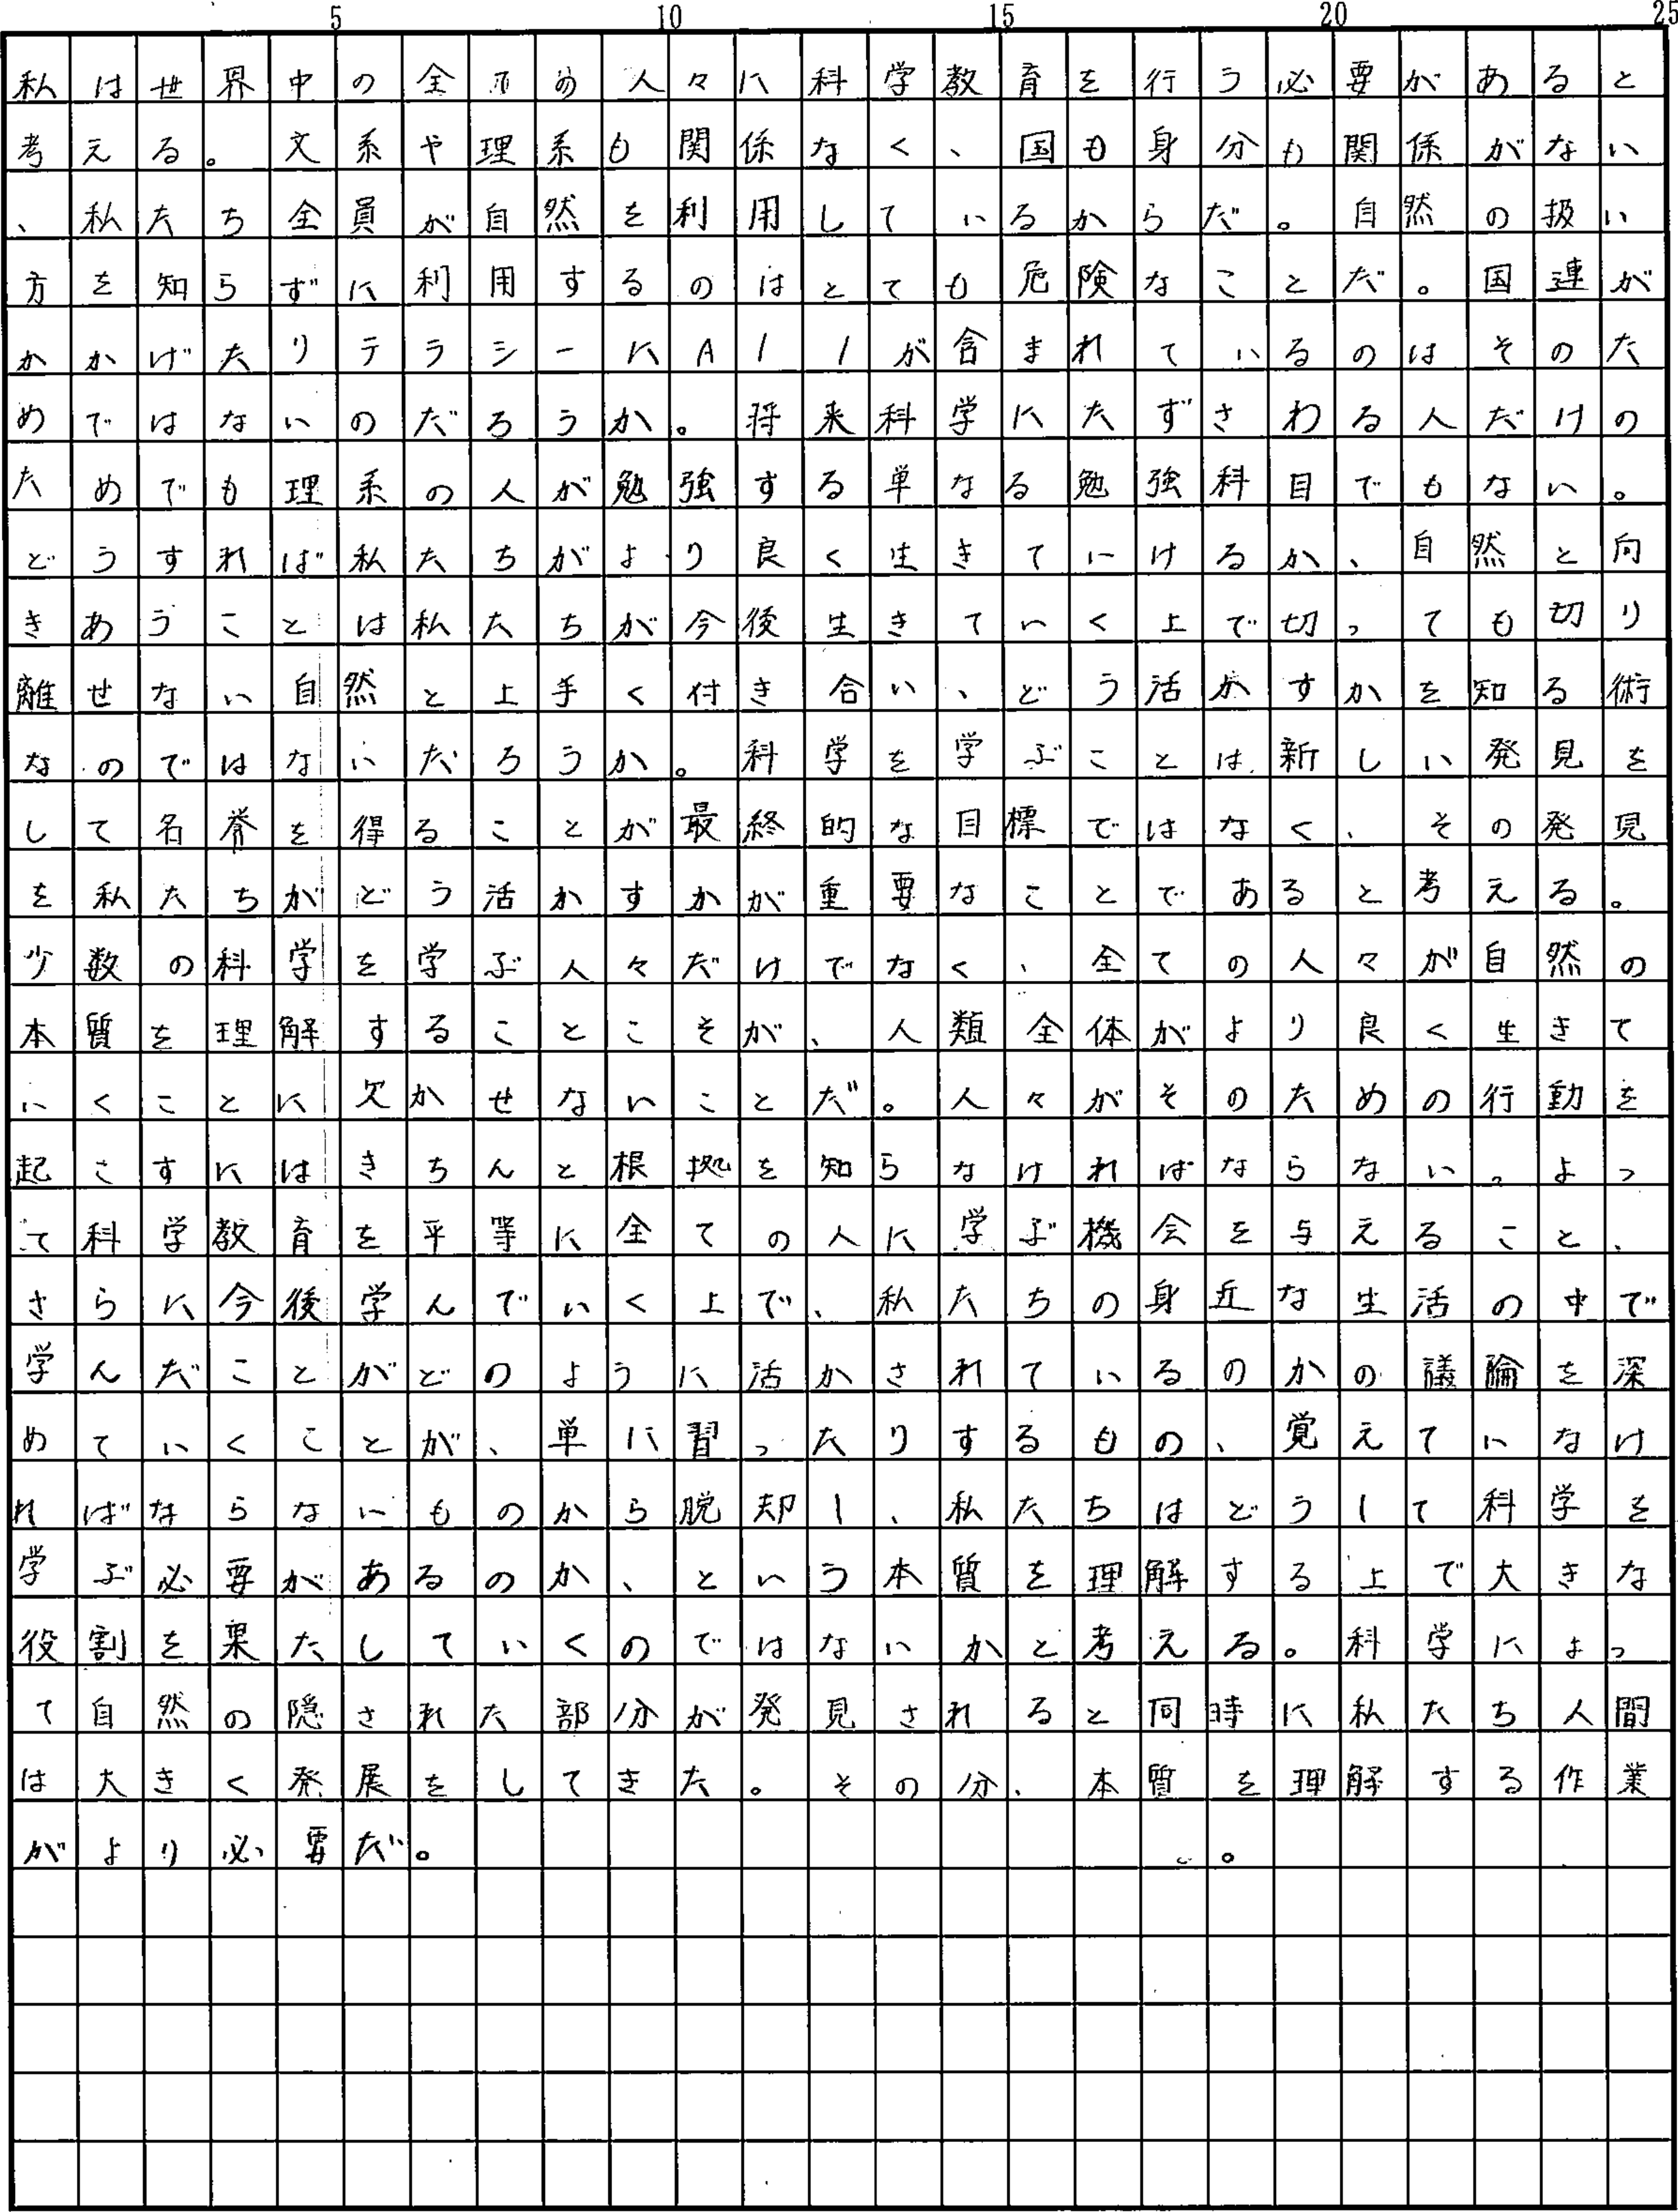私は世界中の全ての人々に科学教育を行う必要があると考える。文系や理系も関係なく、国も身分も関係がない、私たち全員が自然を利用しているからだ。自然の扱い方を知らずに利用するのはとても危険なことだ。国連がかかげたリテラシーにＡｌｌが含まれているのはそのためではないのだろうか、将来科学にたずさわる人だけのためでも理系の人が勉強する単なる勉強科目でもない。どうすれば私たちがより良く生きていけるか、自然と向きあうことは私たちが今後生きていく上で切っても切り離せない自然と上手く付き合い、どう活かすかを知る術なのではないだろうか。科学を学ぶことは新しい発見をして名誉を得ることが最終的な目標ではなく、その発見を私たちがどう活かすかが重要なことであると考える。少数の科学を学ぶ人々だけでなく、全ての人々が自然の本質を理解することこそが、人類全体がより良く生きていくことに欠かせないことだ。人々がそのための行動を起こすにはきちんと根拠を知らなければならない。よって科学教育を平等に全ての人に学ぶ機会を与えること、さらに今後学んでいく上で、私たちの身近な生活の中で学んだことがどのように活かされているのかの議論を深めていくことが、単に習ったりするもの、覚えていなければならないものから脱却し、私たちはどうして科学を学ぶ必要があるのか、という本質を理解する上で大きな役割を果たしていくのではないかと考える。科学によって自然の隠された部分が発見されると同時に私たち人間は大きく発展をしてきた。その分、本質を理解する作業がより必要だ。
